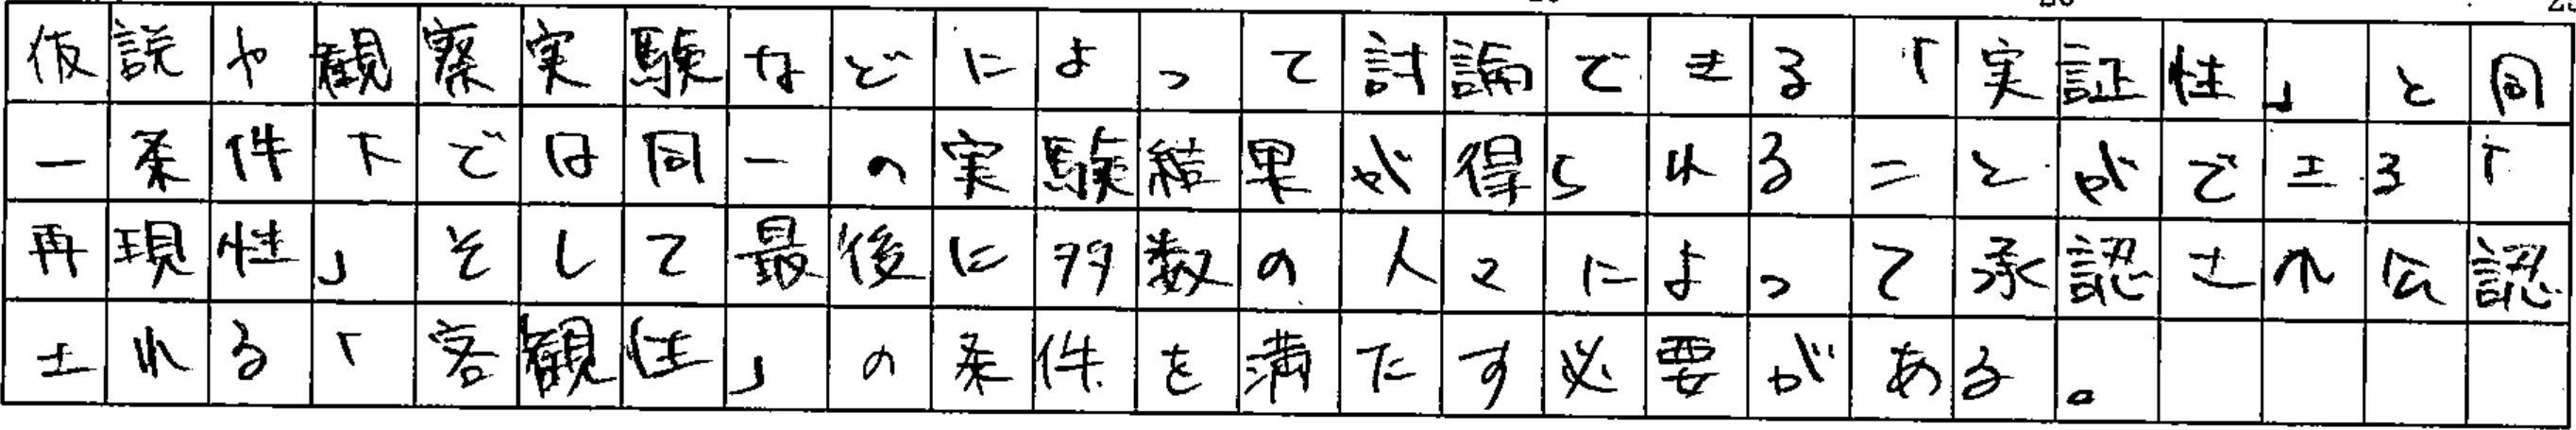仮説や観察実験などによって討論できる「実証性」と同一条件下では同一の実験結果が得られることができる「再現性」そして最後に多数の人々によって承認され公認される「客観性」の条件を満たす必要がある。
